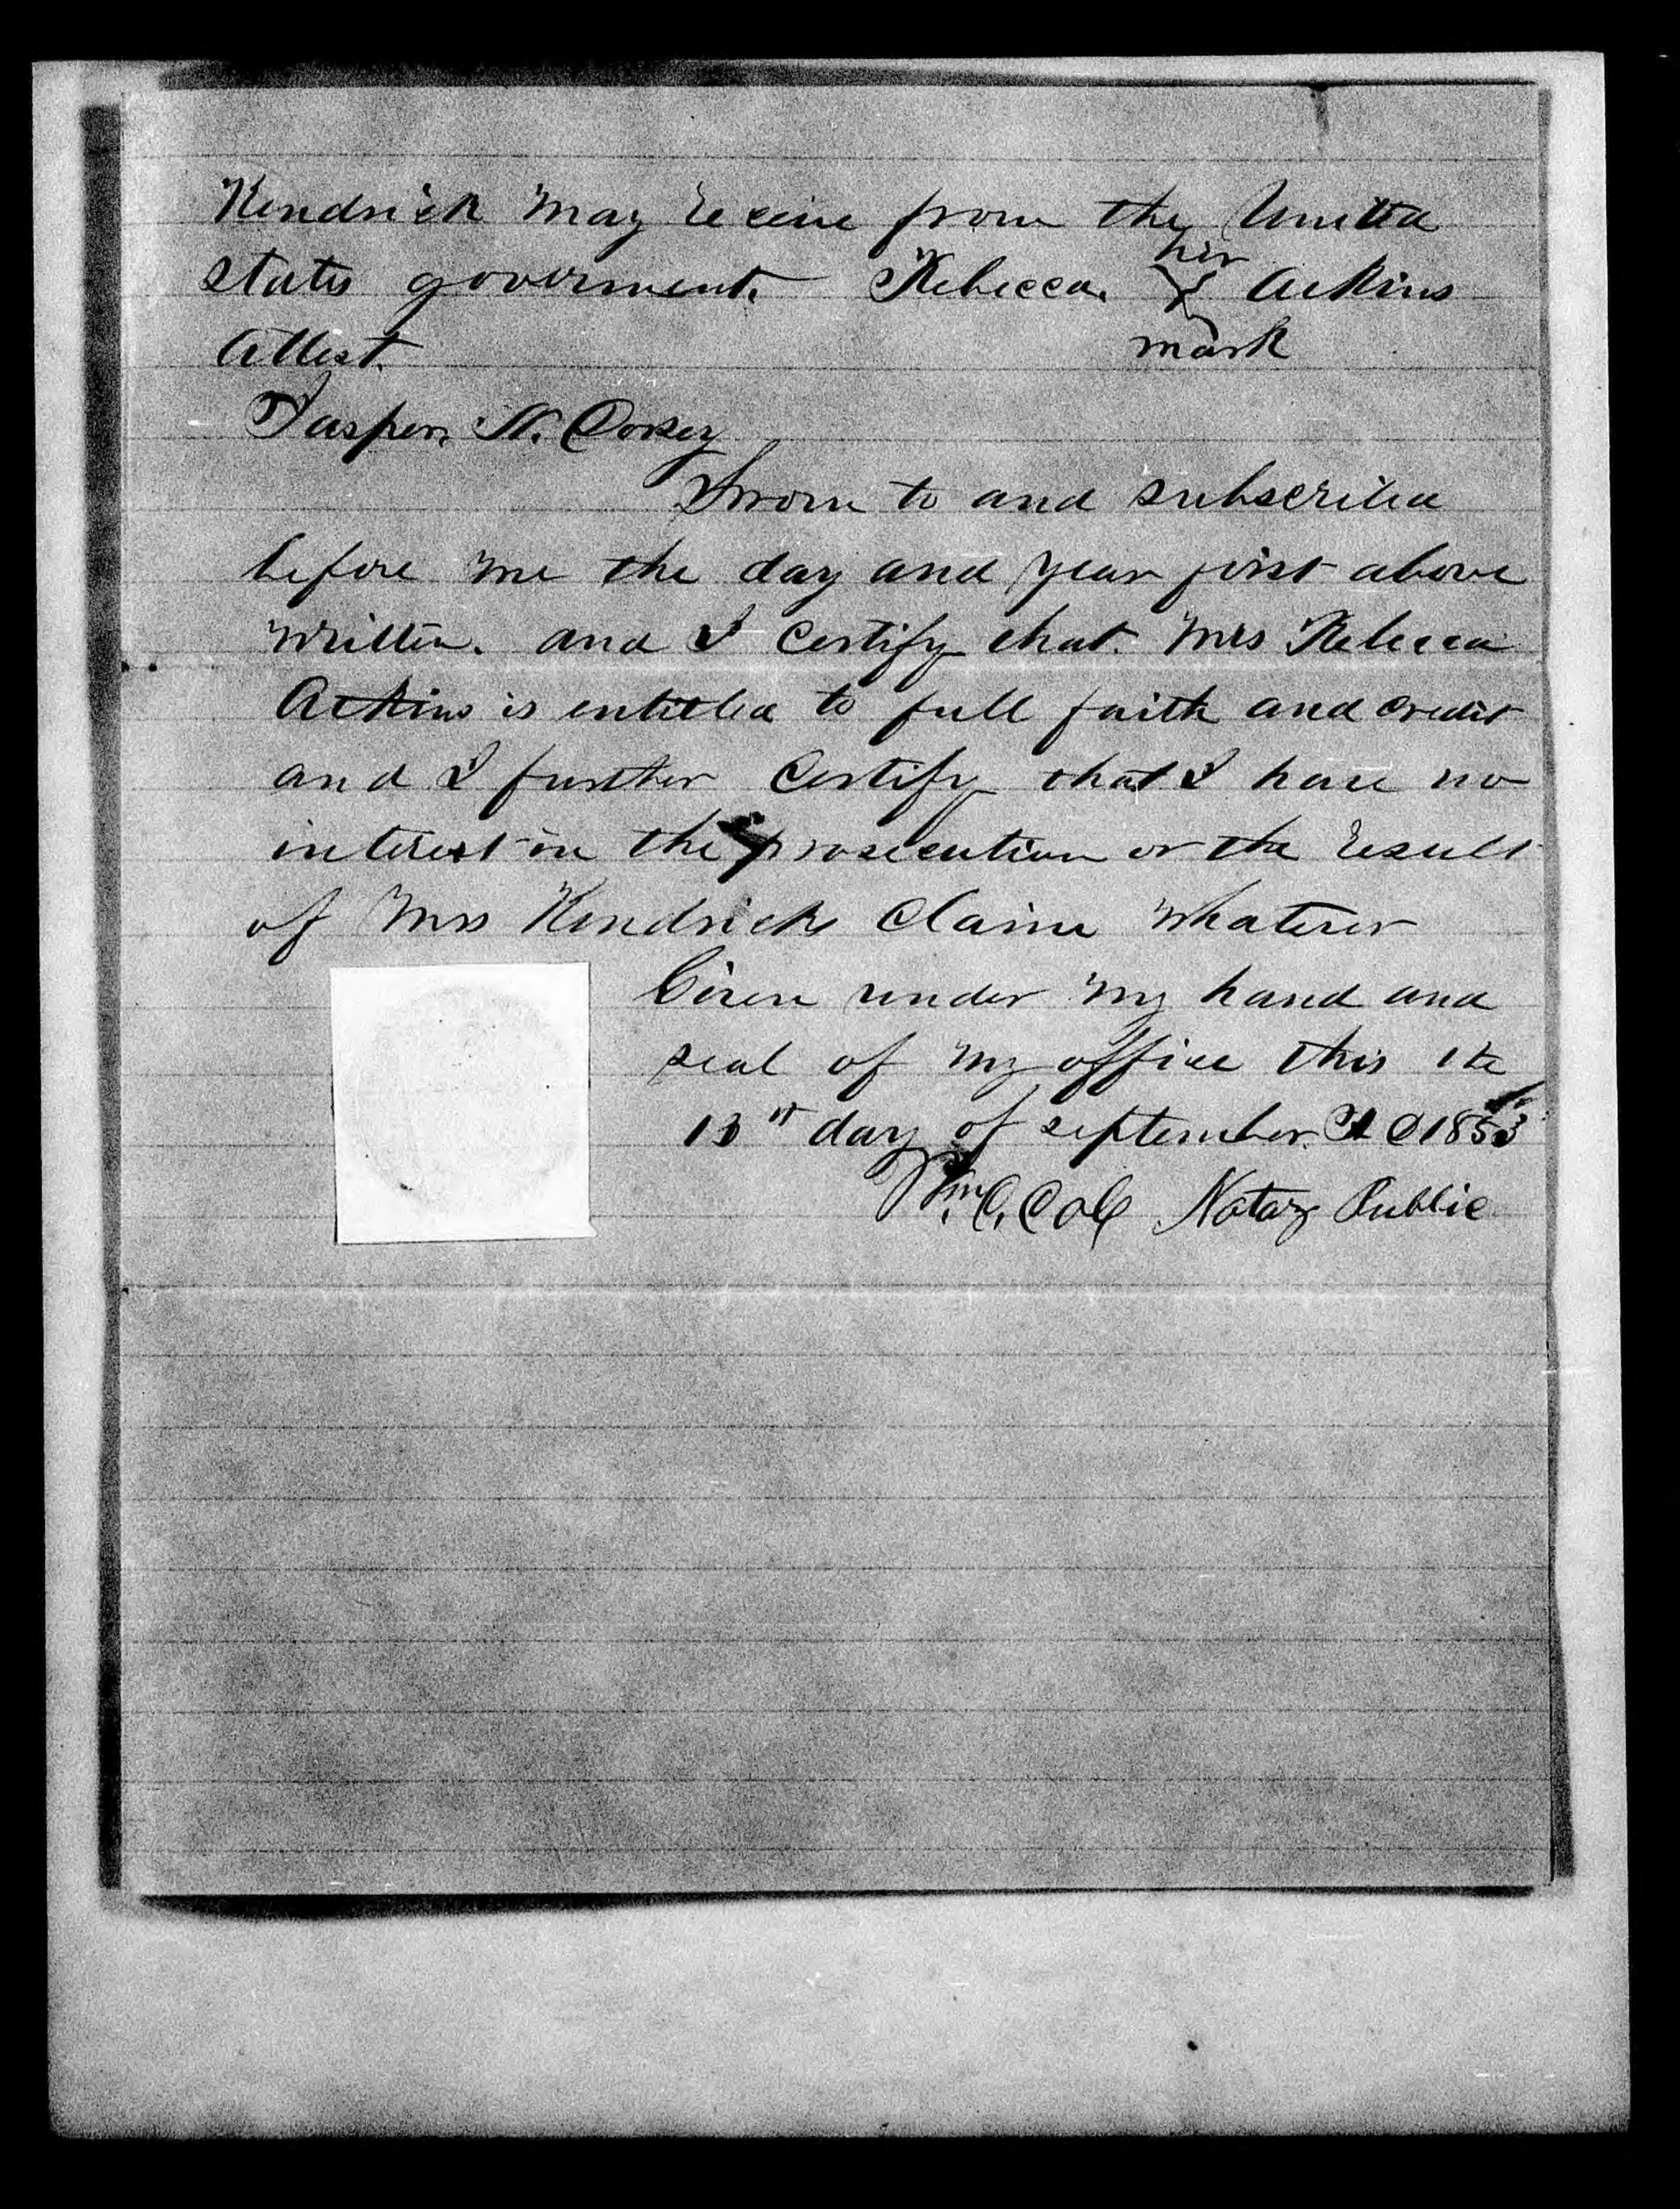Kendrick may receive from the United
States government.  

Rebecca Atkins  X  her mark

Attest
Jasper H. Dorsey

Sworn to and subscribed
before me the day and year first above
written and I certify that Mrs Rebecca
Atkins is entitled to full faith and credit
and I further certify that I have no 
interest in the prosecution or the result 
of Mrs Kendricks claim whatever
Given under my hand and 
seal of my office this the 
13th day of september AD 1853

Wm. C. Cole  Notary Public

[seal]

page: 13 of 29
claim: rejected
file: R. 5862, for Isham Kendrick, North Carolina